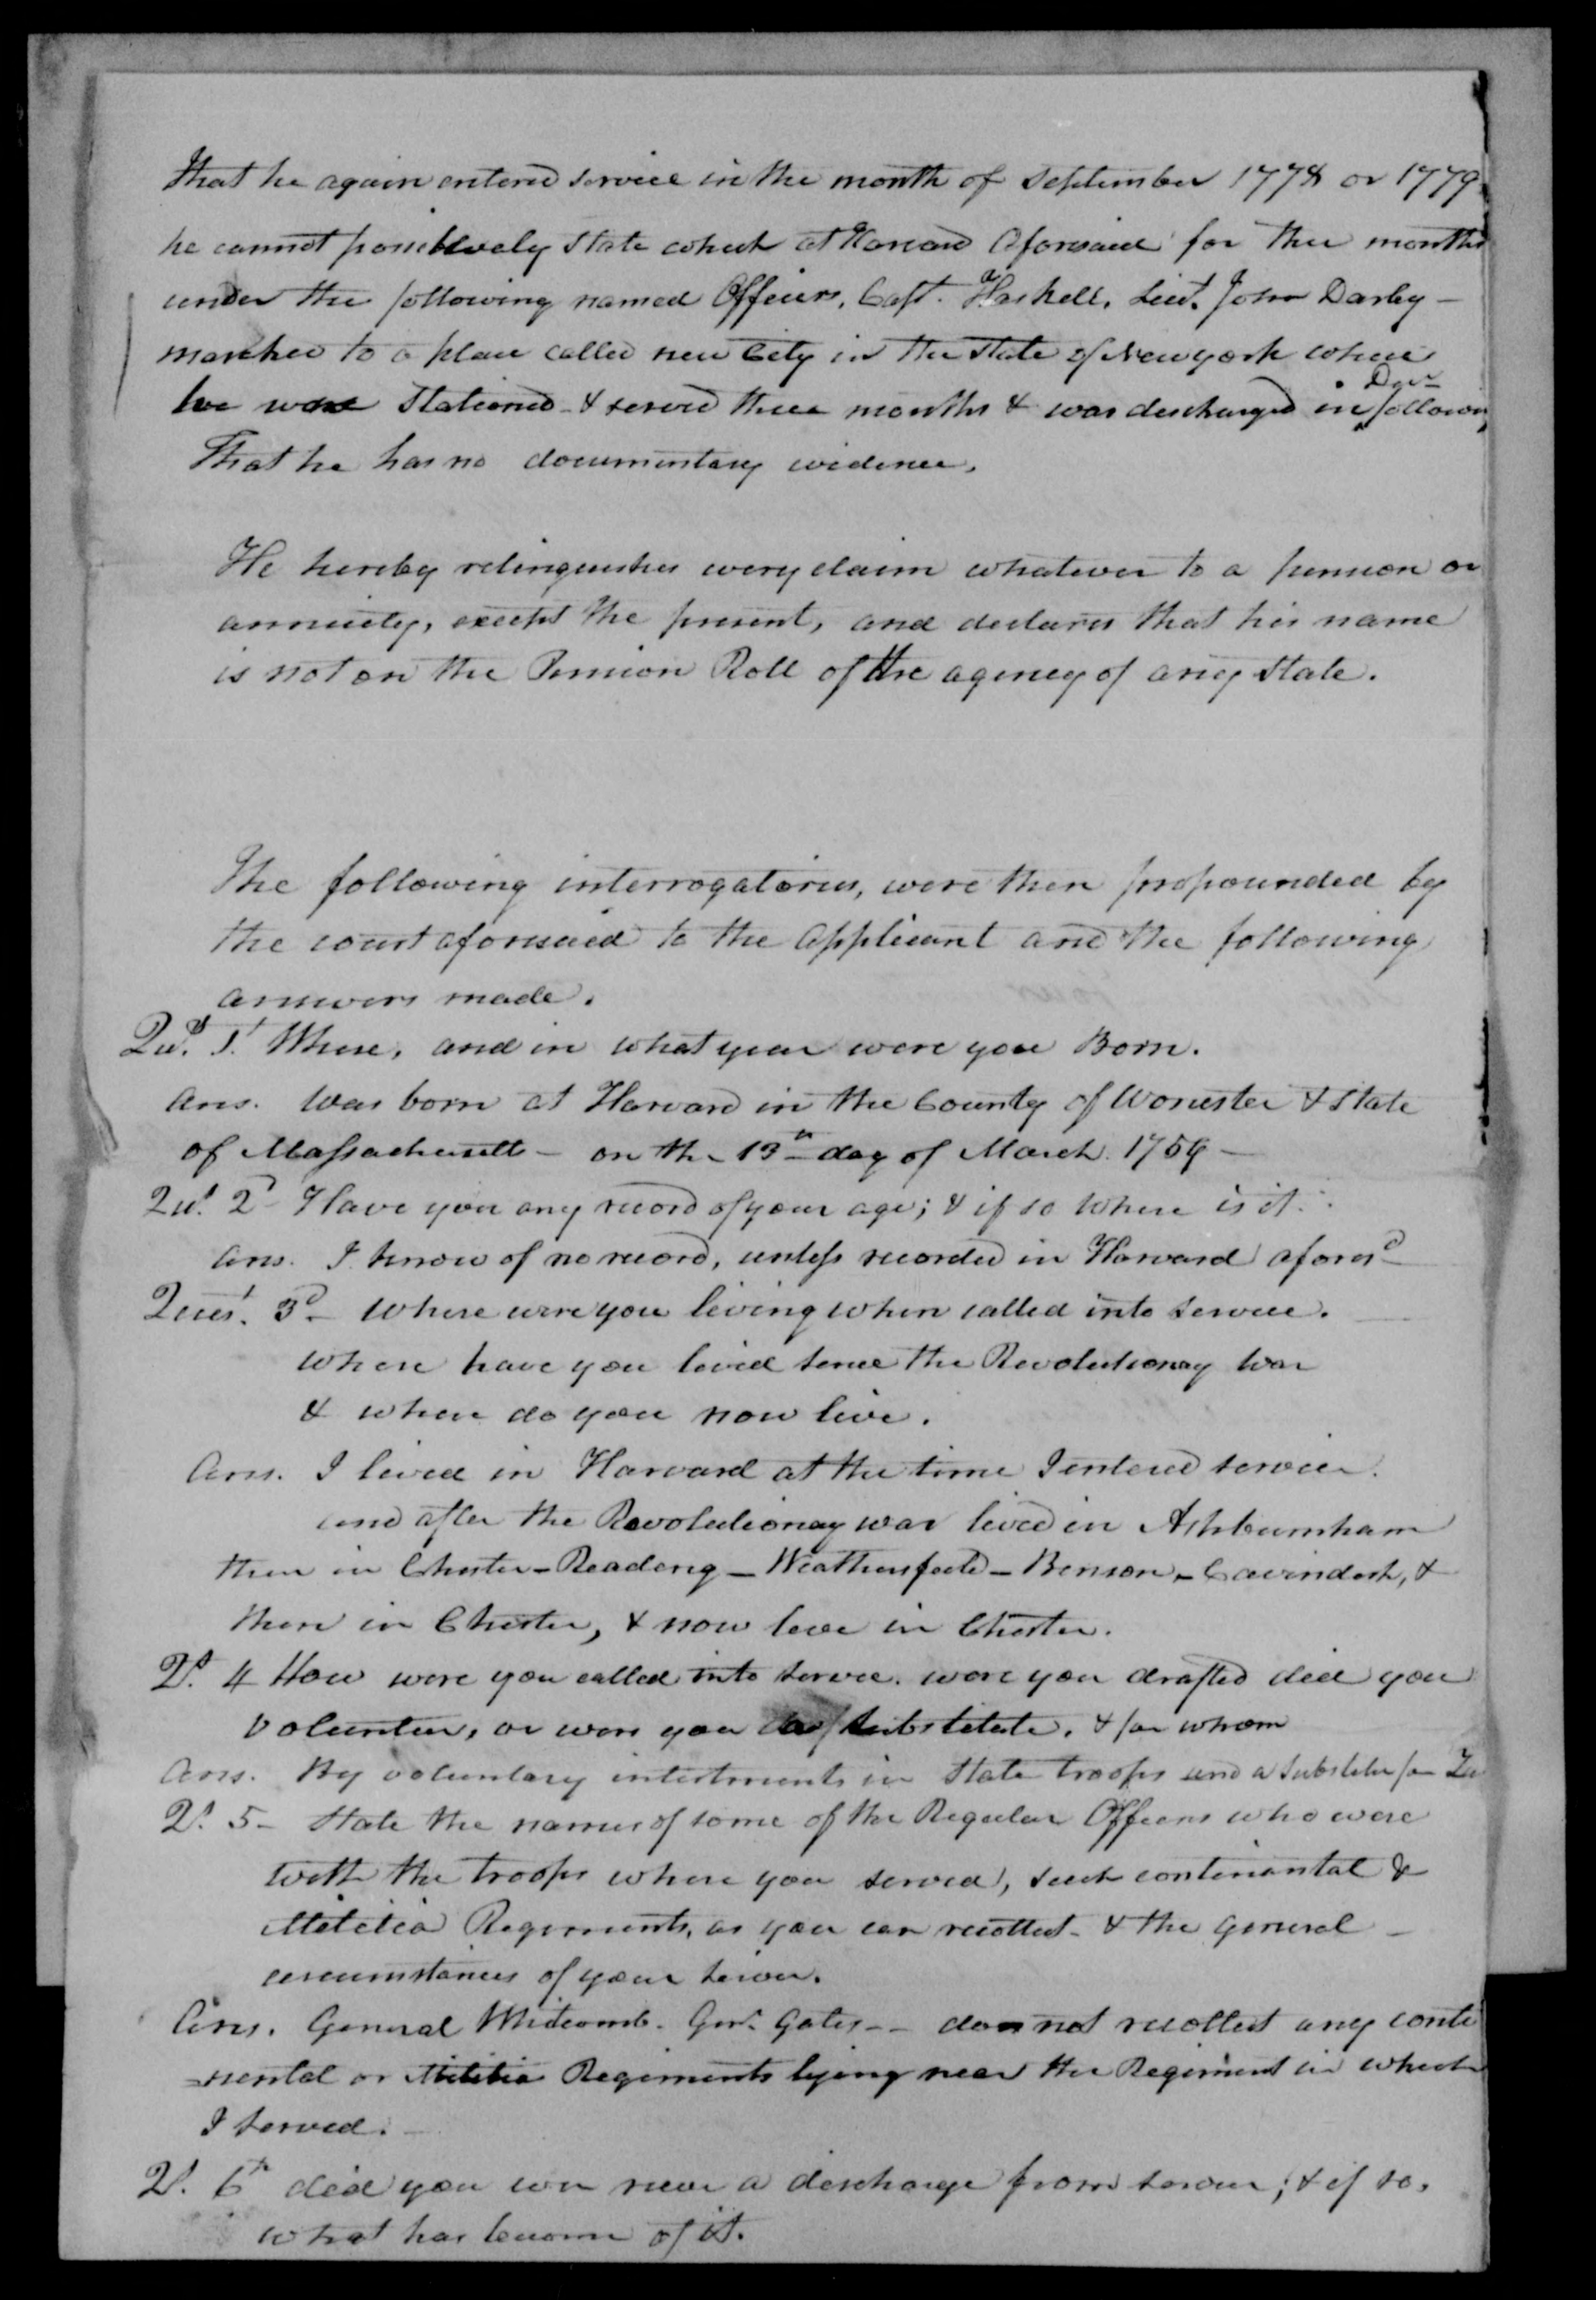The following interrogatories, were then propounded by the court aforesaid to the applicant and the following answers made.
Qust. 1st. Where, and in what year were you born.
Ans. Was born at Harvard in the County of Worcester & state of Massachusetts on the 13th day of March 1759.
Qust. 2d. Have you any record of your age; & if so where it it?
Ans. I know of o record, unless recorded in Harvard aforesaid.
Qust. 3d. Where were living when called into service, where have you lived since the Revolutionary War & where do you now live.
Ans. I lived in Harvard at the time I entered service and after the Revolutionary War lived in Ashburnham then in Chester-Reading-Weathersfield-Benson-Cavendish & then Chester, & now live in Chester.
Qust. 4. How were called into service, were you drafted, did you volunteer or were you a substitute & for whom.
Ans. By voluntary inlistments in State troops and a substitute for Za (unfinished)
Qst. 5-State the names of some of the Regular Officers who were with the troops when you served, such continental & Militia Regiments, as you can recollect & the general circumstances of you service.
Ans. General Whitcomb, Gen. Gates. do not recollect any continental or Militia Regiments lying near the regiment in which I served.
Qst. 6th. did you ever recv. a discharge from service & if so, what has become of it.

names: Whitcomb, John Darby, Haskell, Gates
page: 24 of 66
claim: widow's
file: W. 2468, Amos Wetherbee, Mass.